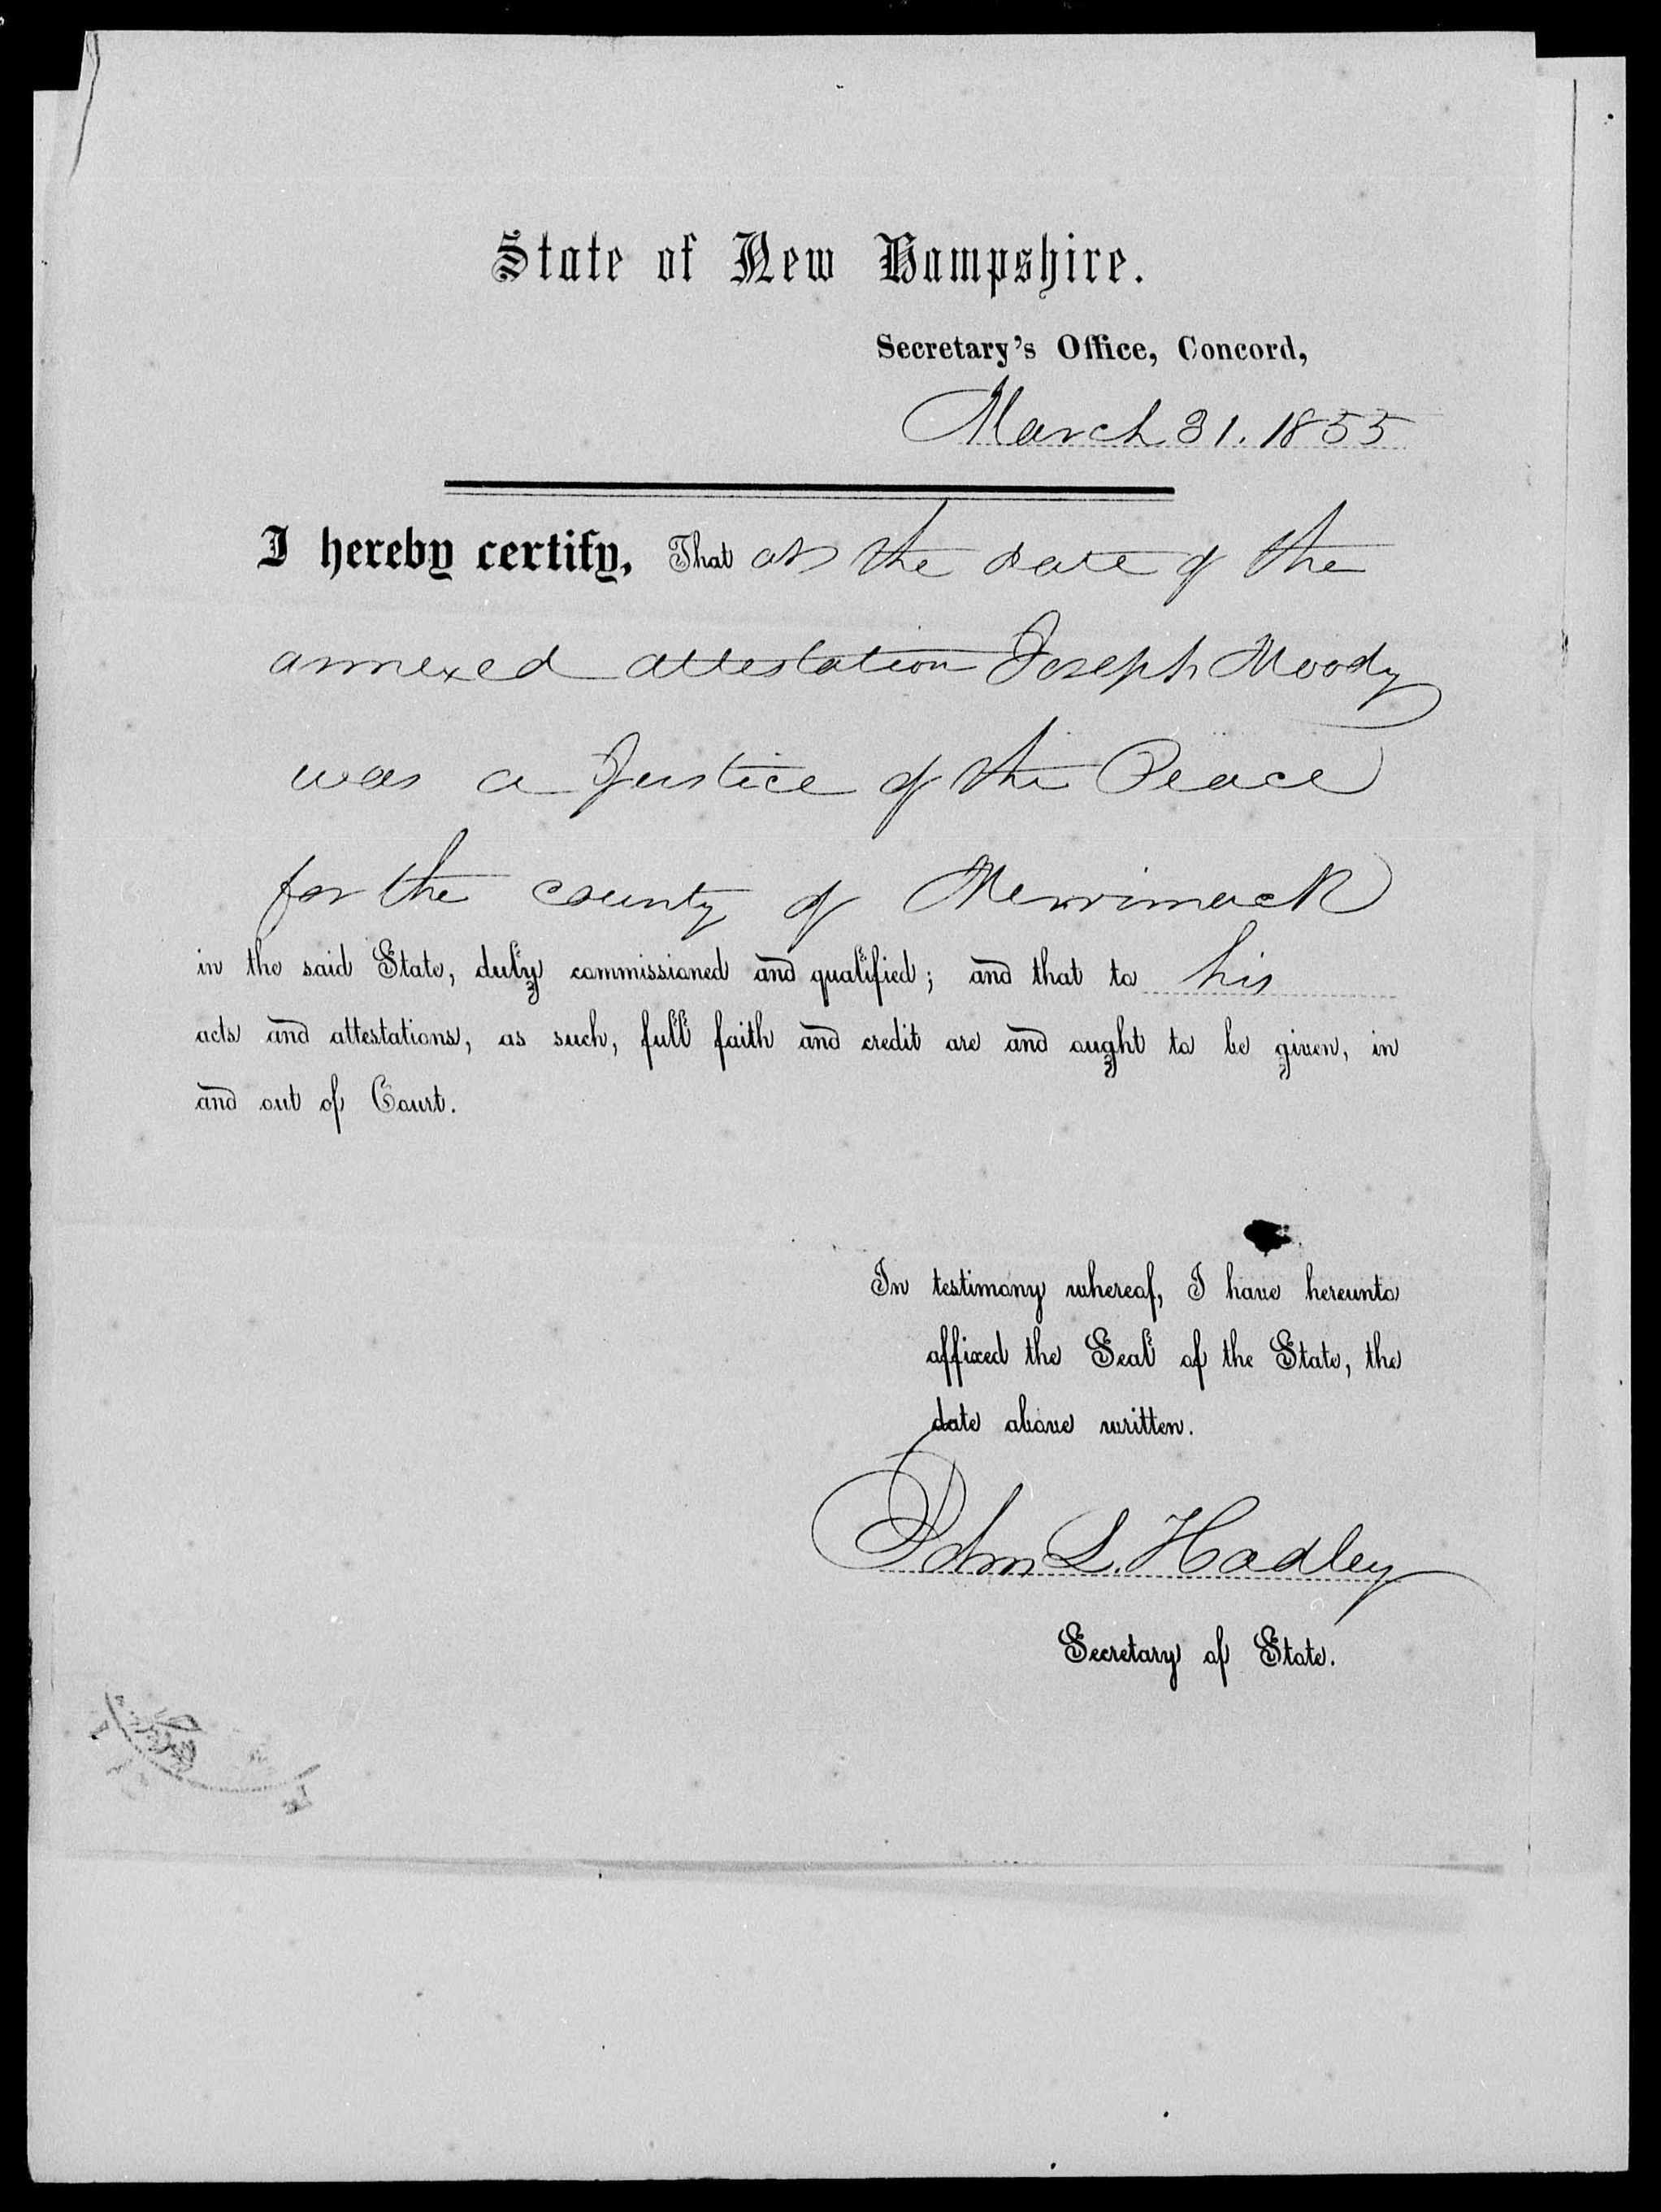State of New Hampshire,
                  Secretary’s Office, Concord
                   March 31. 1855

I hereby certify that [written] as the date of the annexed attestation Joseph Woody was a Justice of the Peace for the county of Merrimack [printed] in the said State, duly commissioned and qualified; and that to his acts and attestations, as such, full faith and credit are and ought to be given in and out of Court.


  In testimony whereof, I have hereinto affixed the Seal of the State, the date above written.

          John L Hadley
          Secretary of State.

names: Joseph Moody, John L Hadley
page: 13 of 57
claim: widow's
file: W. 23217, Thomas Haines, N H